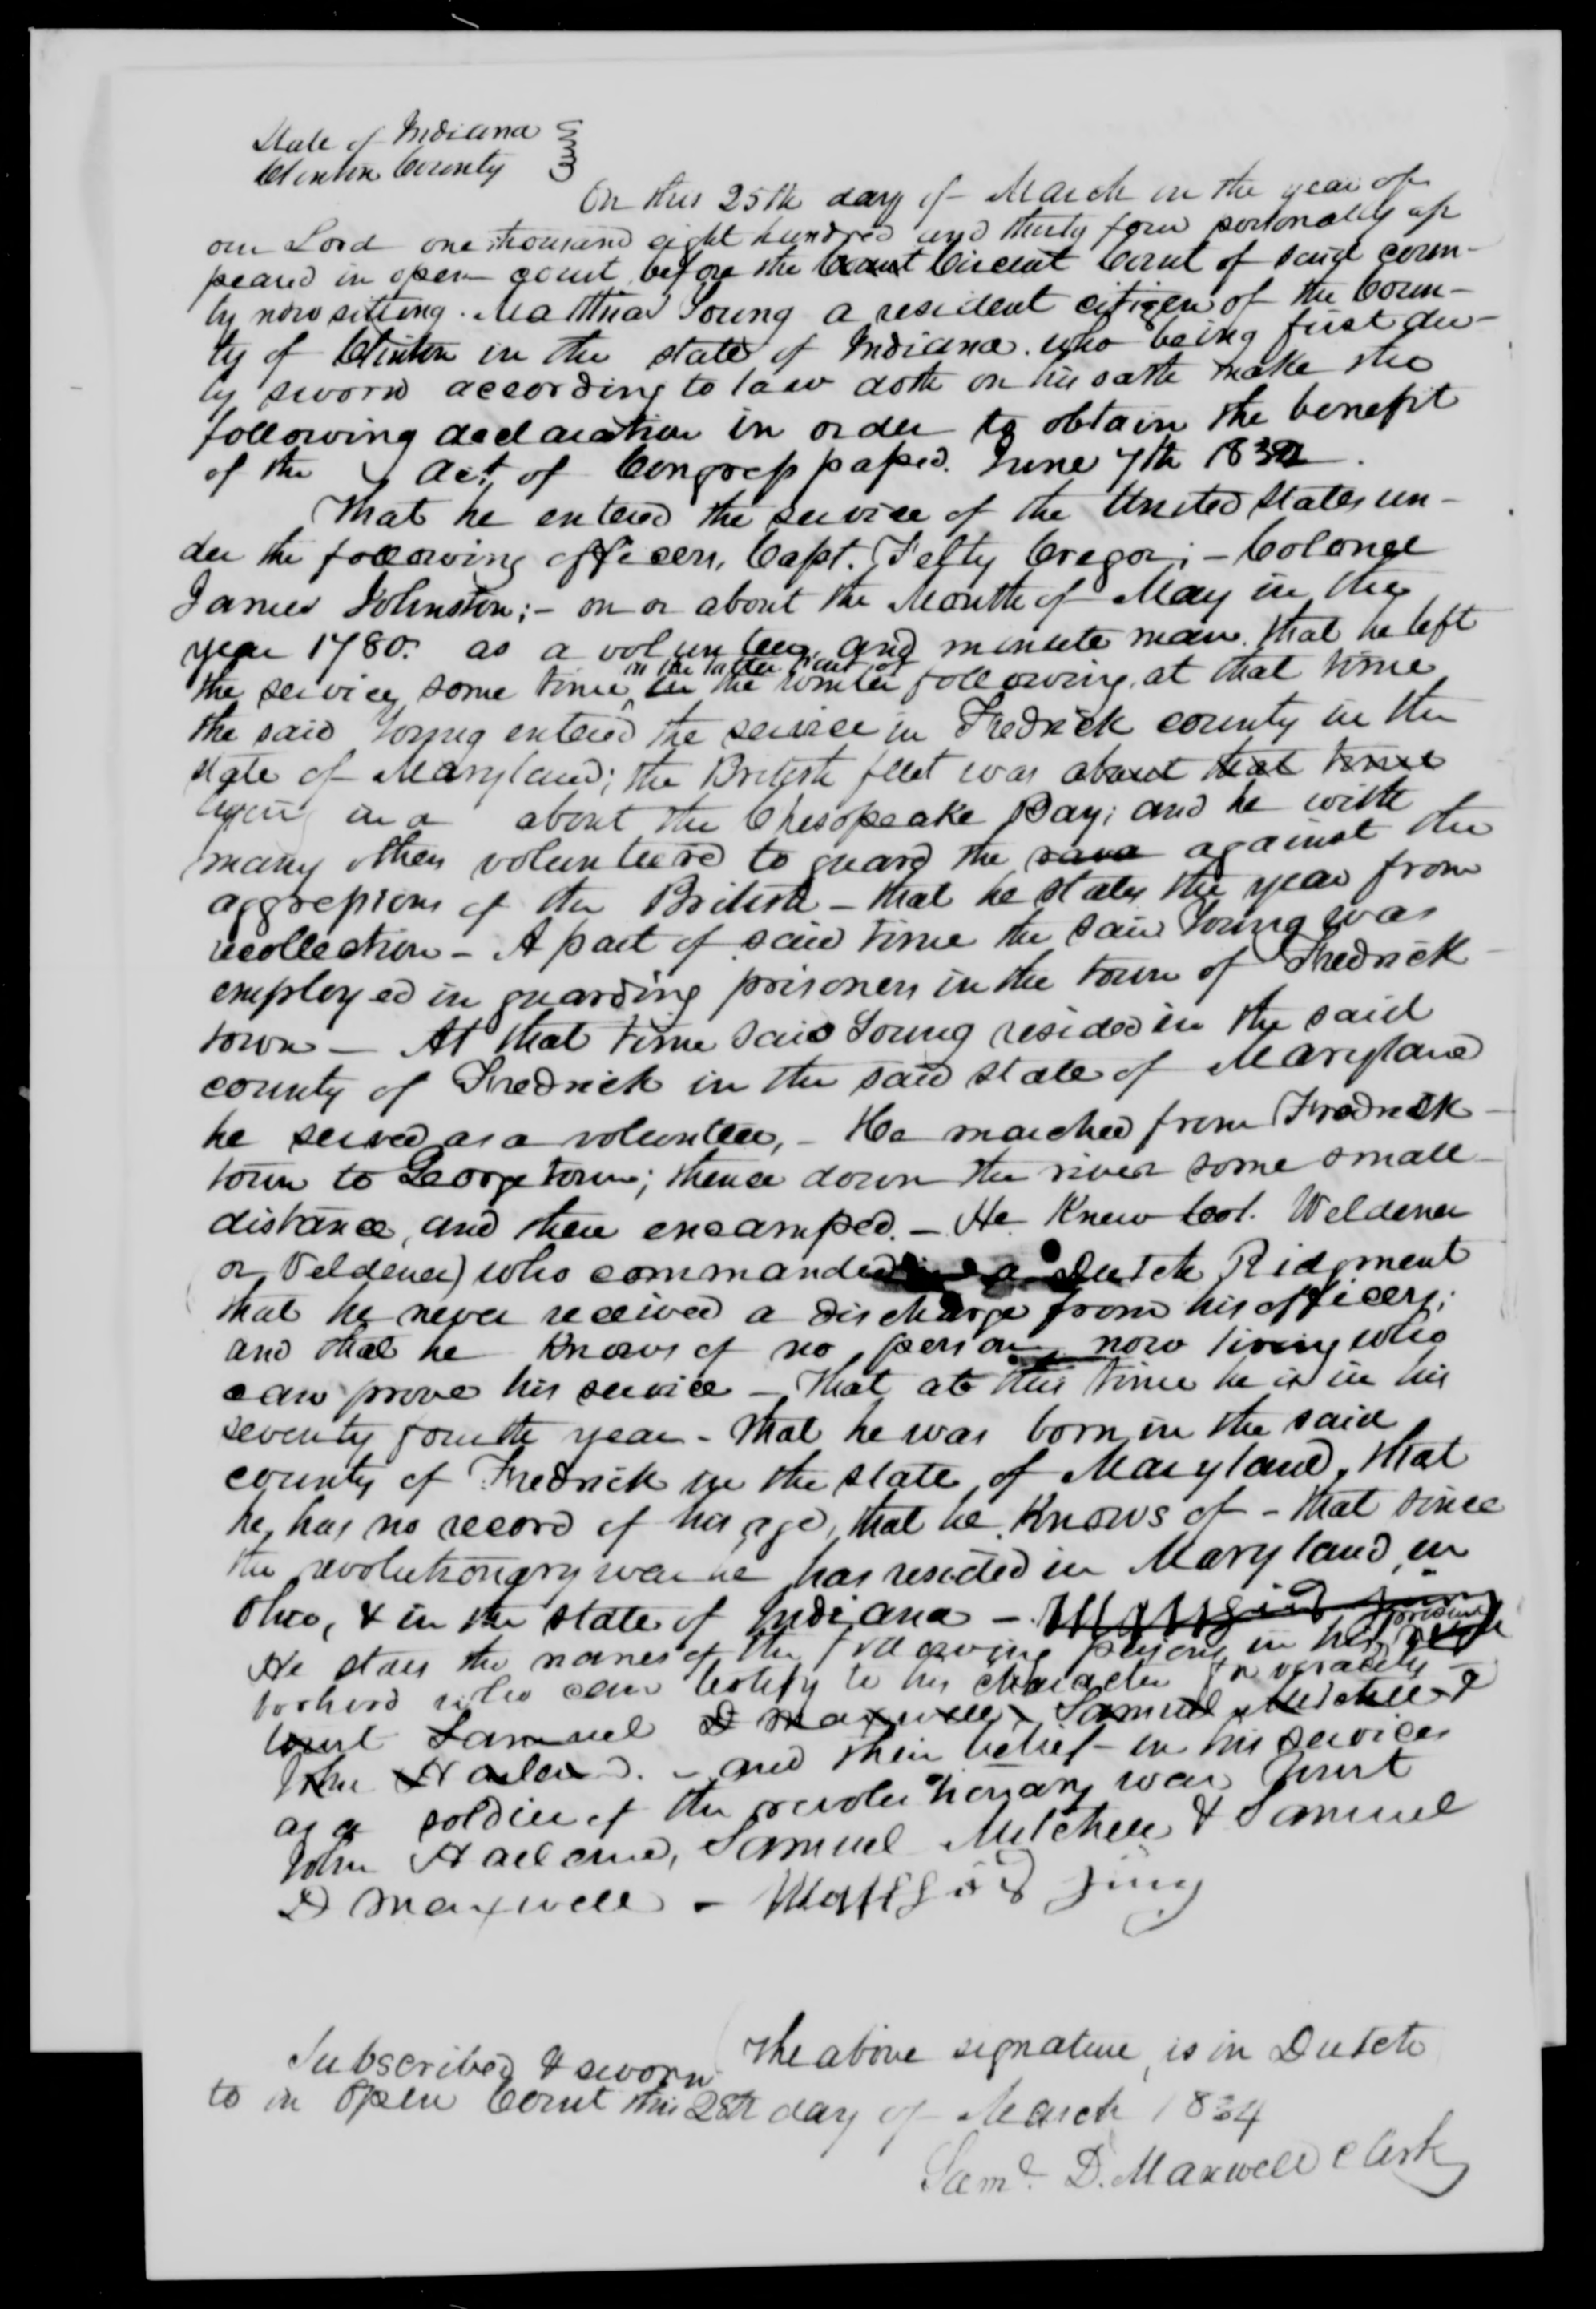State of Indiana 
Clinton County 
On this 25th day of March in the year of 
our Lord one thousand eight hundred and thirty four personally appeared 
in open court before the Circuit Court of said county now sitting Matthias Young a resident citizen of the County 
of Clinton in the State of Indiana who being first duly 
sworn according to law doth on his oath make the 
following declaration in order to obtain the benefit 
of the Act of Congress passed June 7th 1832 
That he entered the service of the United States under 
the following officers, Capt. Felty Cregor, Colonel 
James Johnston, on or about the month of May in the 
year 1780 as a volunteer and minute man that he left 
the service some time in the latter part of the winter following, at that time 
the said Young entered the service in Fredrick [Frederick] County in the 
State of Maryland; the British fleet was again in or about the Chesapeake Bay, and he 
with many others volunteered to guard the against the 
agressions of the British - that he states the year from 
recollection. A part of said time the said Young was 
employed in guarding prisoners in the town of Fredrick [Frederick]
town - At that time said Young resided in the 
said County of Fredrick in the said State of Maryland 
he served as a volunteer. He marched from Fredrick 
town to Georgetown; thence down the river some small 
distance, and there encamped. He knew Col. Weldener
or Veldener) who commanded a Dutch Ridgment [regiment].
that he never received a discharge from his officers; 
and that he knows of no person now living who 
can prove his service. That at this time he is in 
his seventy fourth year. that he was born in the said 
County of Fredrick in the State of Maryland, that 
he has no record of his age, that he knows of. that since 
the revolutionary war he has resided in Maryland, in 
Ohio, & in the State of Indiana, 
He states the names of the following persons in his
neighborhood who can testify to his character for veracity 
& their belief in his sevices as a soldier of the revolutionary war [Just?] John Harland, Samuel Mitchell & Samuel D. Maxwell.  

Matthias Yung [Matthias Young]

the above signature is in Dutch 
Subscribed & sworn to in open Court this 28th day of March 1834 
Saml D. Maxwell Clerk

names: Matthias Young, Samuel Mitchell, James Johnston, Samuel D Maxwell, Felty Cregor, John Harland, Weldener, Veldener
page: 5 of 123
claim: rejected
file: R. 11,949, Matthias Young, Md.